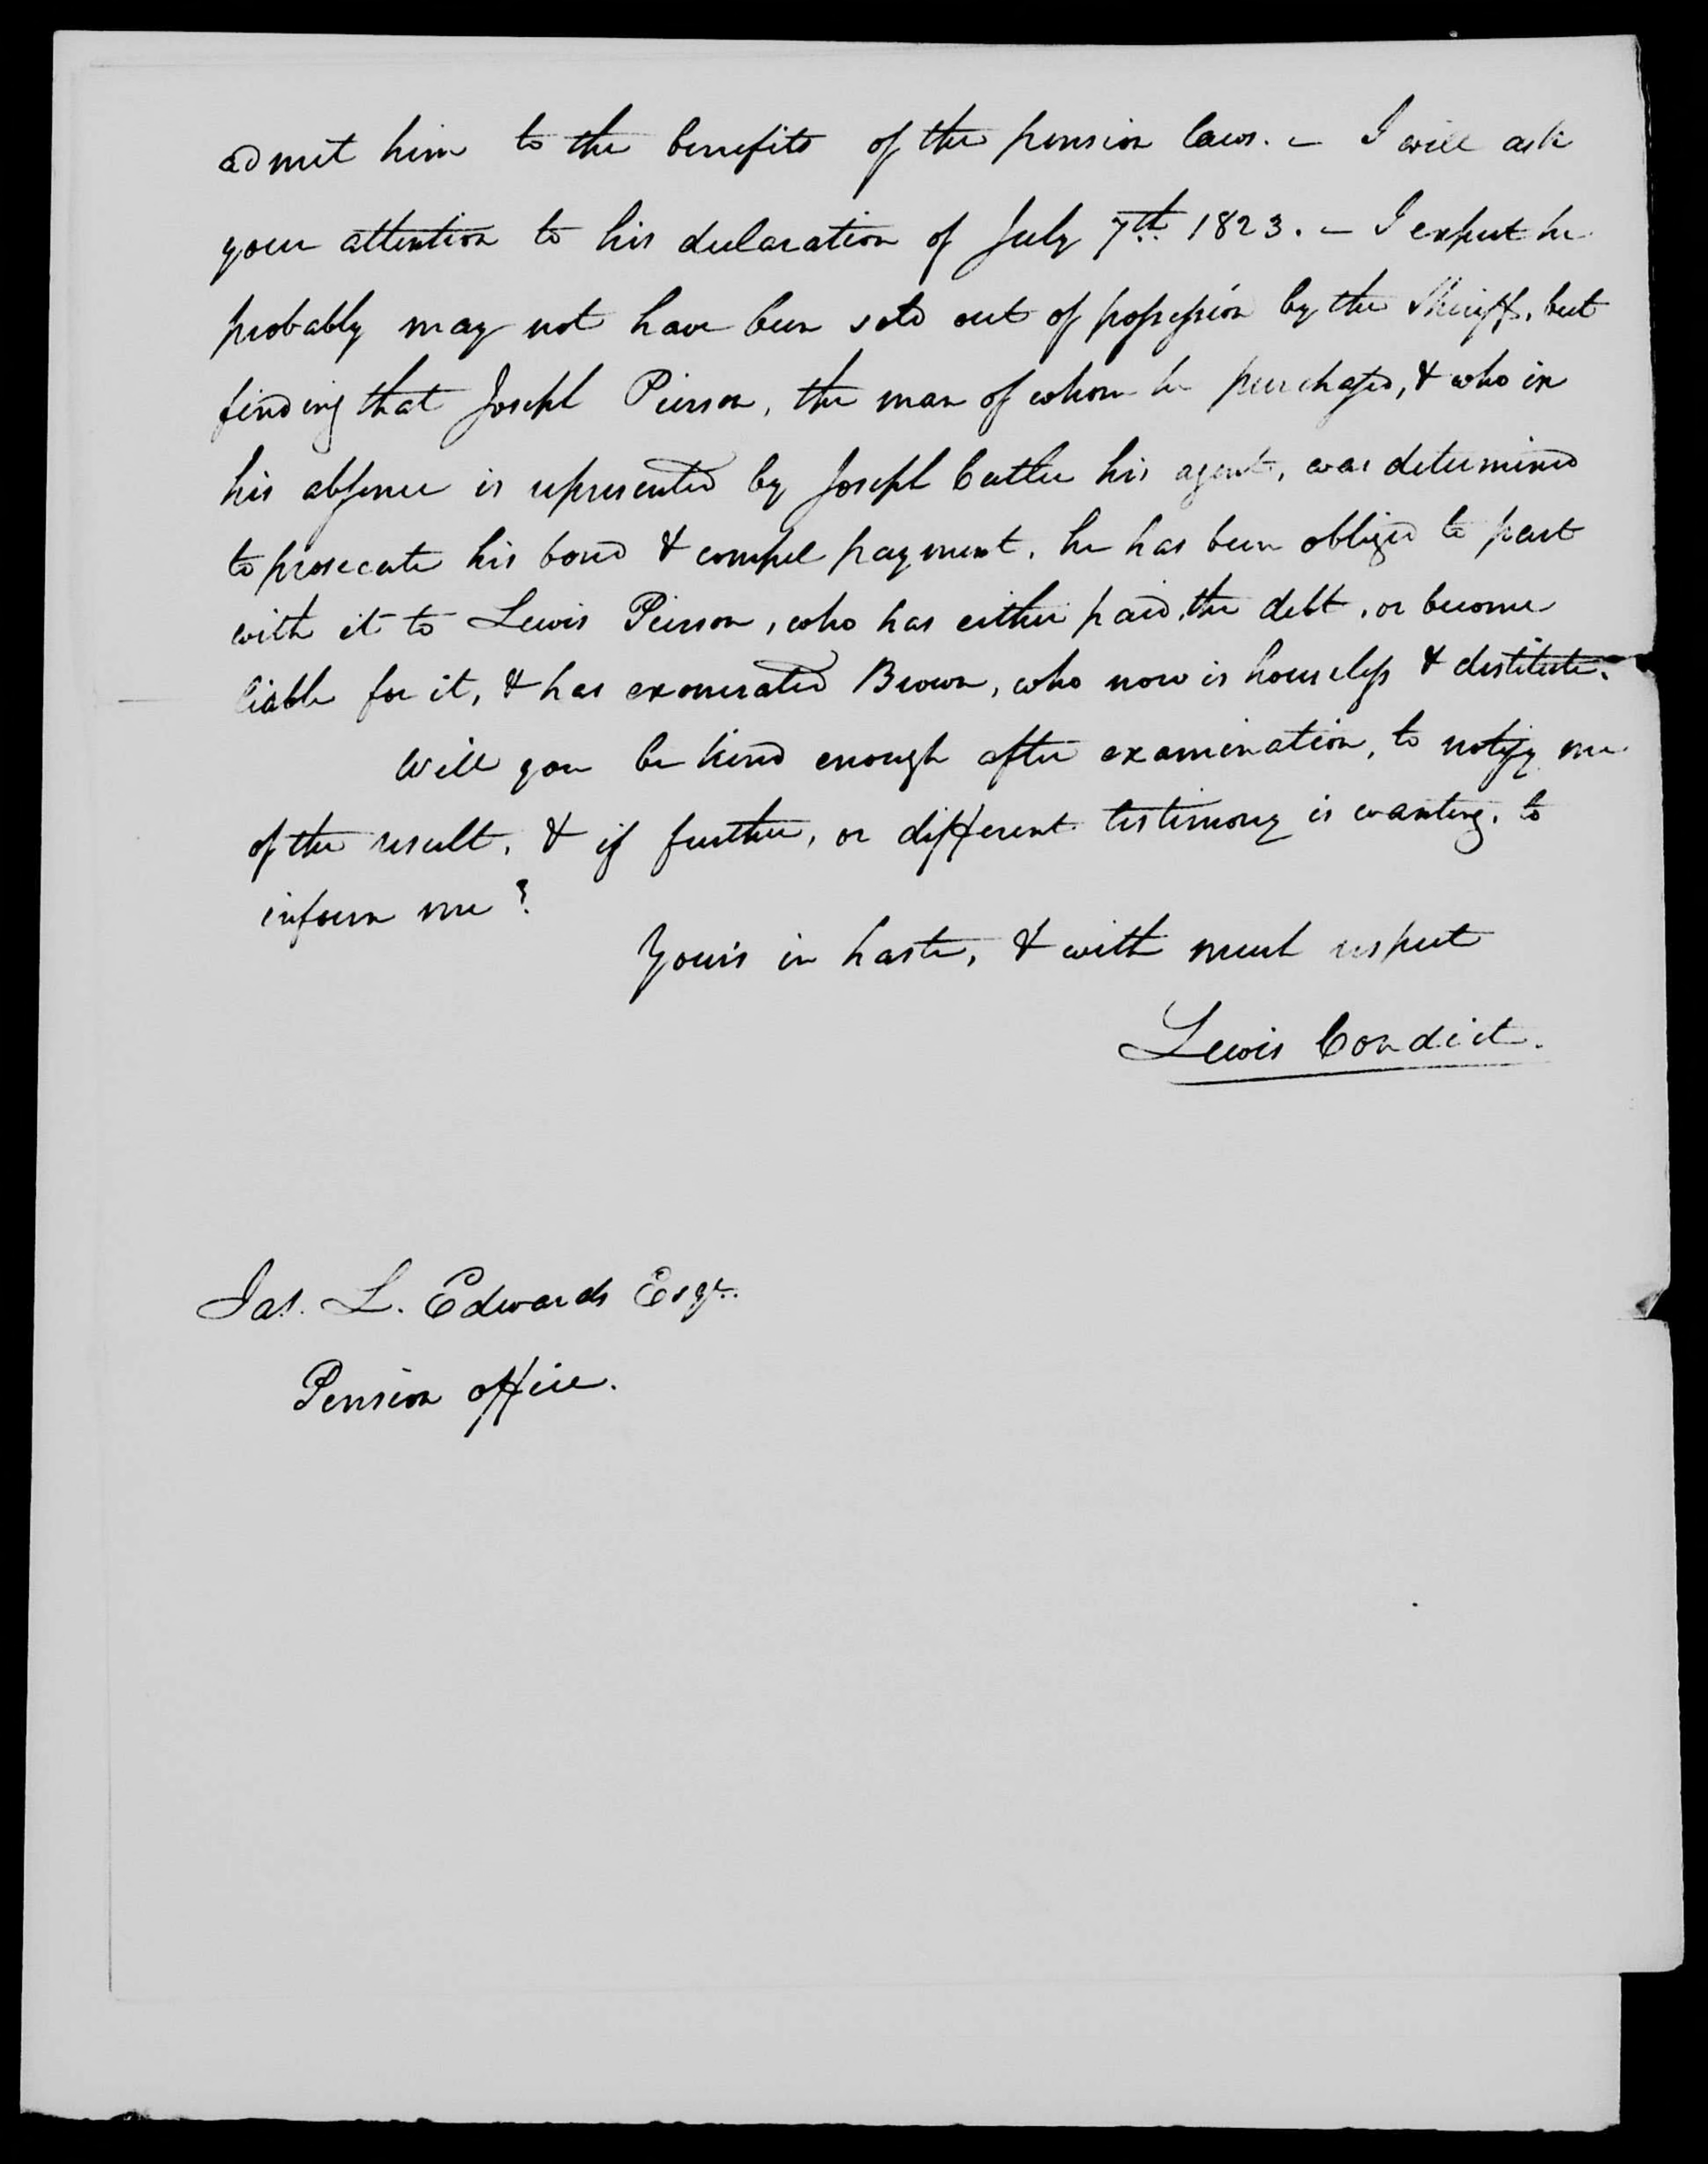admit him to the benefits of the pension laws. I will ask your attention to his declaration of July 7th 1823.  I expect he probably may not have been sold out of possession by the Sheriff, but
finding that Joseph Pierson, the man of whom he purchased, & who in his absence is represented by Joseph Cutler his agent, was determined to prosecute his bond & compel payment, he has been obliged to part with it to Lewis Pierson, who has either paid the debt, or become liable for it, & has exonerated Brown, who now is homeless & destitute.  

Will you be kind enough after examination to notify me of the result, & if further, or different testimony is wanting to inform me?

Yours in haste, & with much respect
Lewis Condict

Jas. L. Edwards Esqr
Pension office.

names: Lewis Pierson, Brown, Jas L Edwards, Joseph Cutler, Joseph Pierson, Lewis Condict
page: 16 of 27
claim: survivor's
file: S. 34,094, Ezra Brown, New Jersey